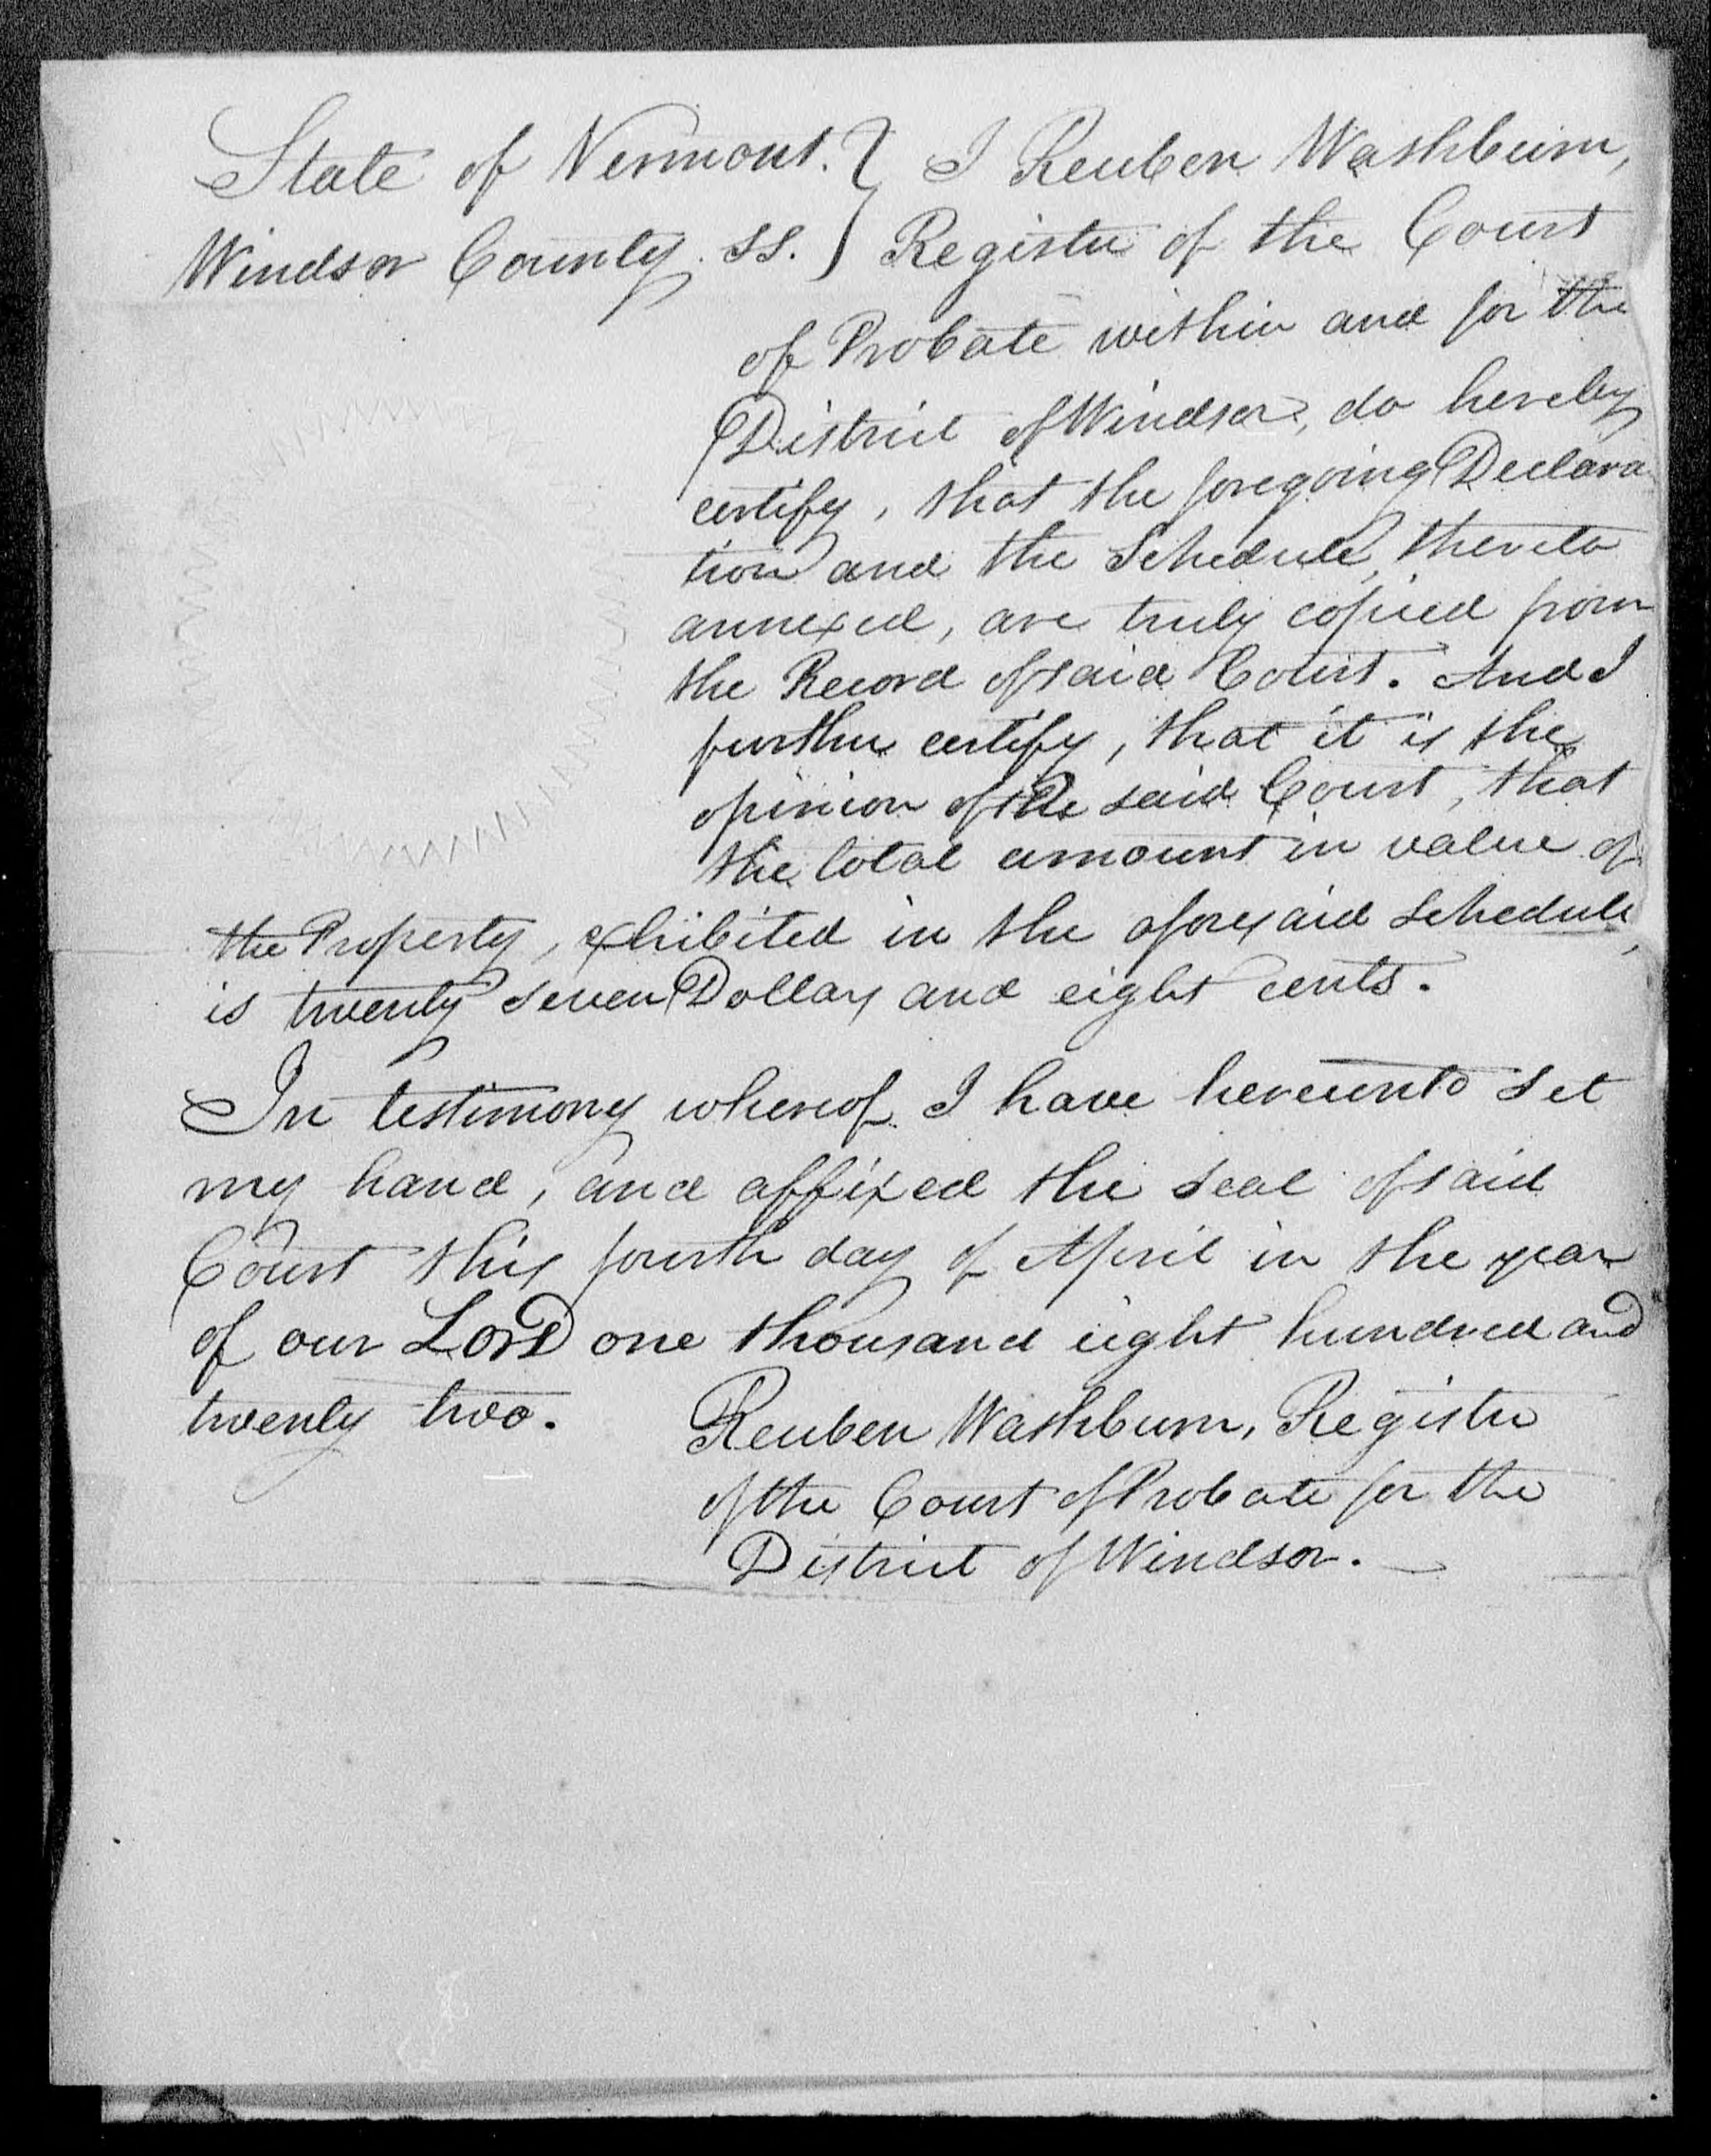State of Vermont
Windsor County ss.}  I Reuben Washburn, Register of the Court of Probate within and for the District of Windsor, do hereby certify, that the foregoing Declaration and the Schedule thereto annexed, are truly copied from the Record of said Court. And I further certify, that it is the opinion of the said Court, that the total amount in value of the property, exhibited in the aforesaid Schedule is twenty seven Dollars and eight cents.
In testimony whereof I have hereunto set my hand, and affixed the seal of said Court this fourth day of April in the year of our Lord one thousand eight hundred and twenty two.
[signed] Reuben Washburn, Register of the Court of Probate for the District of Windsor.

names: Reuben Washburn, Reuben Washburn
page: 12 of 18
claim: survivor's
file: S. 40773, David Burton, N.H.